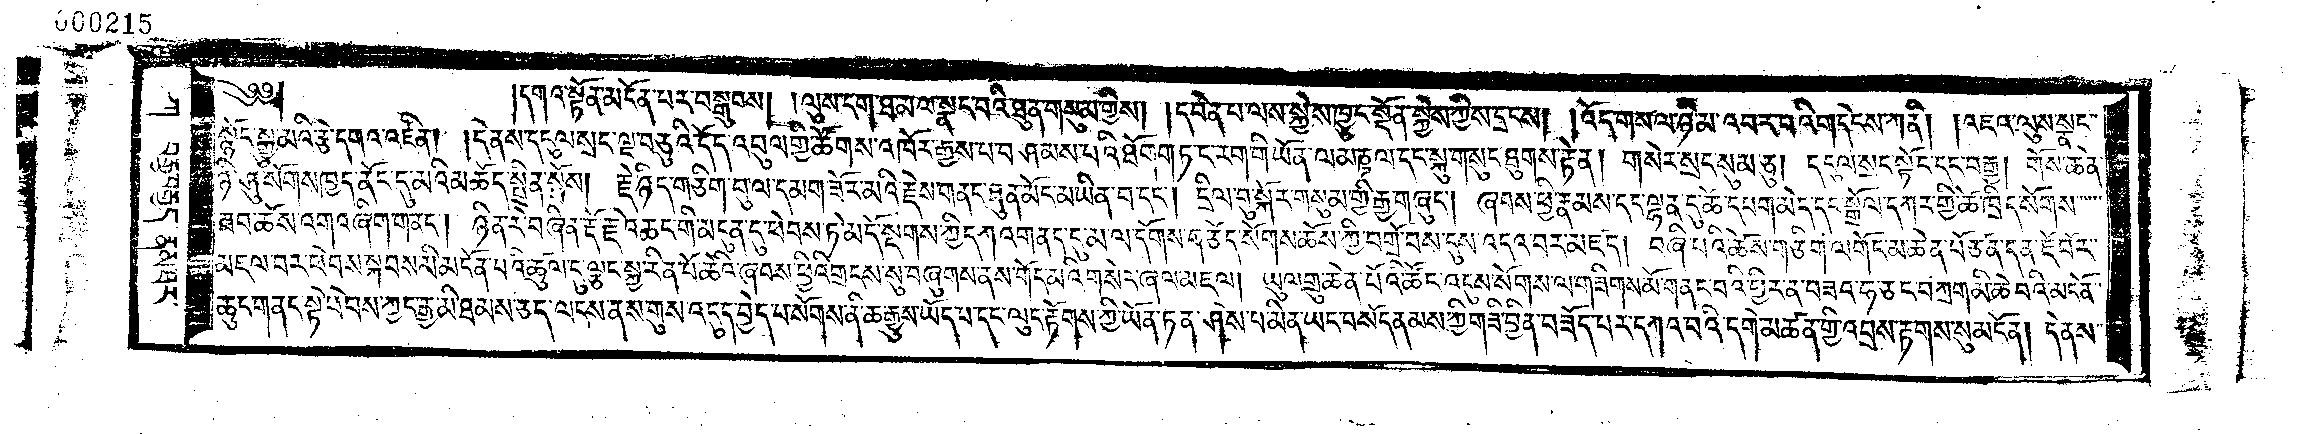༄༅། །དགའ་སྟོན་མངོན་པར་བསྒྲུབས། །ལུས་ངག་ཐ་མལ་སྣང་བའི་ཐུན་གསུམ་གྱིས། །དབེན་པ་ལས་སྐྱེས་ཁྱུང་སྔོན་སྐྱེས་ཀྱིས་དྲངས། །འོད་གསལ་ཉི་མ་འབར་བའི་གདེངས་ཀ་ནི། །འཇའ་ལུས་སྣང་
སྟོང་སྒྱུ་མའི་རྩེ་དགའ་འཛིན། །དེ་ནས་དངུལ་སྲང་ལྔ་བཅུའི་དོད་འབུལ་གྱི་ཚོགས་འཁོར་རྒྱས་པ་བཤམས་པའི་ཐོག་གཏང་རག་གི་ཡོན་ལ་མཎྜལ་དང་སྐུ་གསུང་ཐུགས་རྟེན། གསེར་སྲང་སུམ་ཅུ། དངུལ་སྲང་སྟོང་དང་བརྒྱ། གོས་ཆེན་
ཉི་ཤུ་སོགས་ཁྱད་ནོར་དུ་མའི་མཆོད་སྤྲིན་སྤྲོས། རྗེ་ཉིད་གཅིག་པུ་ལ་དམག་ཟོར་མའི་རྗེས་གནང་ཐུན་མོང་མ་ཡིན་པ་དང་། དྲིལ་བུ་སྐོར་གསུམ་གྱི་རྒྱ་གཞུང་། ཞབས་ཕྱི་རྣམས་དང་ལྷན་དུ་ཚེ་དཔག་མེད་དང་སྒྲོལ་དཀར་གྱི་ཚེ་ཁྲིད་སོགས་
ཟབ་ཆོས་འགའ་ཞིག་གནང་། ཉིན་རེ་བཞིན་རྡོ་རྗེ་འཆང་གི་མདུན་དུ་ཕེབས་ཏེ་མདོ་སྔགས་ཀྱི་དཀའ་གནད་དུ་མ་ལ་དགོས་གཅོད་སོགས་ཆོས་ཀྱི་བགྲོ་བས་དུས་འདའ་བར་མཛད། བཞི་པའི་ཚེས་གཅིག་ལ་གོང་མ་ཆེན་པོ་ཙན་དན་ཇོ་བོར་
མཇལ་བར་ཕེབས་སྐབས་མི་མངོན་པའི་ཚུལ་དུ་ལྕང་སྐྱ་རིན་པོ་ཆེའི་ཞབས་ཕྱིའི་གྲངས་སུ་བཞུགས་ནས་གོང་མའི་གསེར་ཞལ་མཇལ། ཡུལ་གྲུབ་ཆེན་པོའི་ཚོང་འདུས་སོགས་ལ་གཟིགས་མོ་གནང་བའི་ཕྱིར་ན་བཟའ་ཧ་ཅང་བཀྲག་མི་ཆེ་བའི་མངོན་
ཆུང་གནང་སྟེ་ཕེབས་ཀྱང་རྒྱ་མི་ཐམས་ཅད་ལངས་ནས་གུས་འདུད་བྱེད་པ་སོགས་ནི་ཆ་རྒྱུས་ཡོད་པ་དང་ལུང་རྟོགས་ཀྱི་ཡོན་ཏན་ཤེས་པ་མིན་ཡང་བསོད་ནམས་ཀྱི་གཟི་བྱིན་བཟོད་པར་དཀའ་བའི་དགེ་མཚན་གྱི་འབྲས་རྟགས་སུ་མངོན། དེ་ནས་